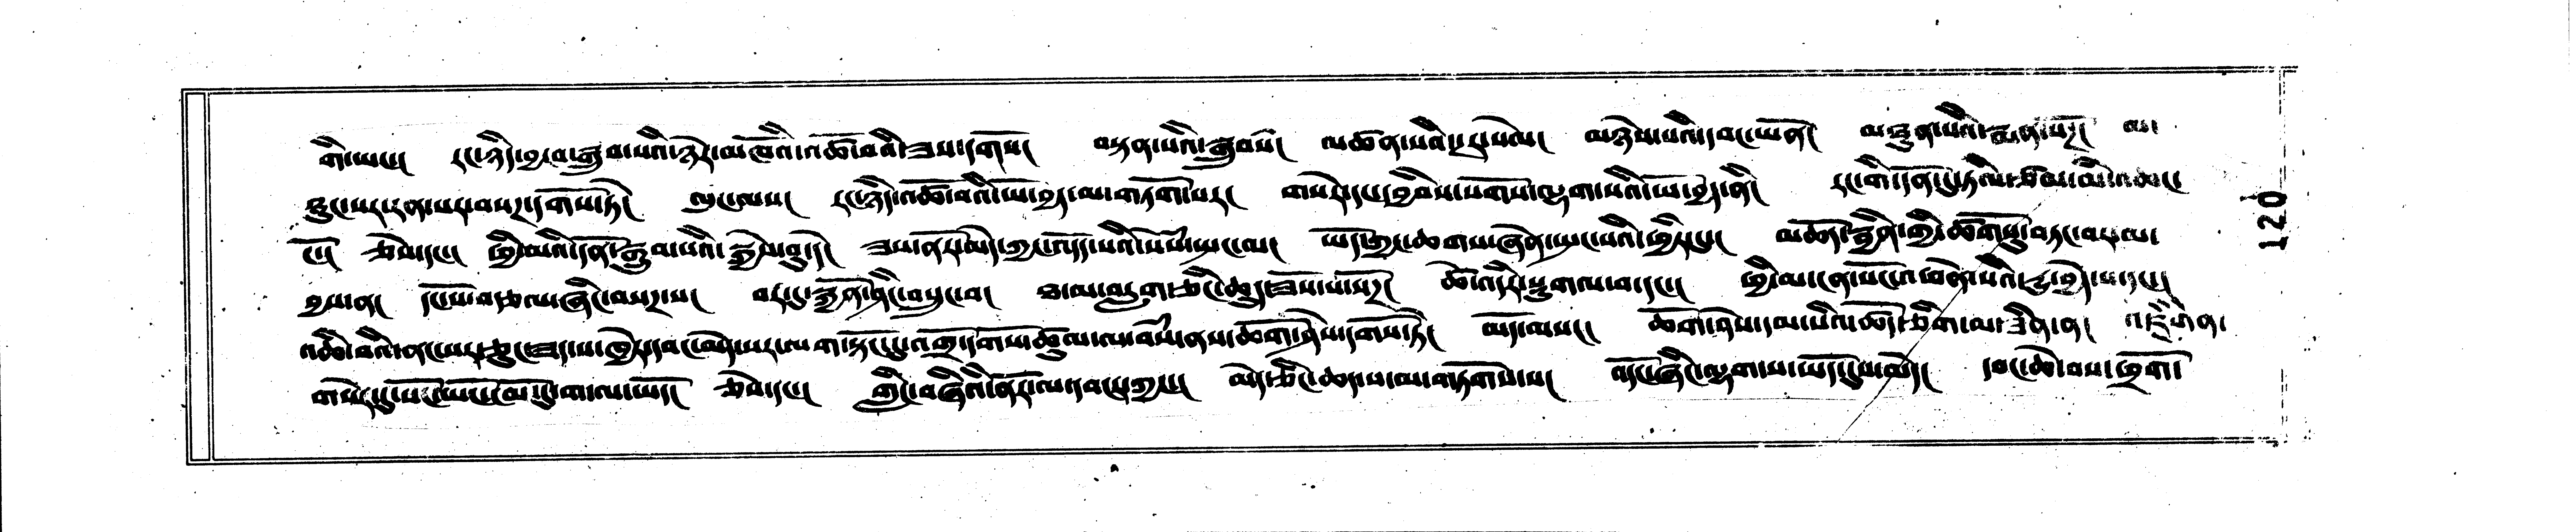གི་ཡང་། རང་ཉིད་བྱང་ཆུབ་བསྒྲུབ་པའི་ཉེར་མཁོའི་མཚོ་བའི་ཟས་དགོས། བསྟེན་པའི་སྒྲུབ་རྫས། མཚན་པའི་ཌར་སིལ། མཉེས་པའི་དབང་ཡོན། མཐུན་པའི་སྨན་སོགས། མ་
ཉུང་བར་རན་པར་བསགས་དགོས་ཏེ། ལུང་ལས། རང་ཉིད་འཚོ་བའི་ཡོ་བྱད་མ་གཏོགས་པར། གསེར་དང་དབྱིབས་སོགས་ལྷག་པའི་ཡོ་བྱད་ནི། རང་གི་དོན་དུ་ཏིལ་ཙམ་མི་འཆང་
ངོ་། །ཞེས་དང་། ཕྱི་མའི་དོན་སྒྲུབ་པའི་སྐྱེས་བུ་དེ། ཟས་ནོར་མེད་ཀྱང་འདོད་པའི་སེམས་སྤང་ལ། ཡོད་ཀྱང་ཆགས་ཞེན་སྤང་བའི་ཕྱིར་དུ། མཆོད་སྦྱིན་གྱི་ཚོགས་སུ་བཏང་བར་མ་
བྱས་ན། དང་པོ་བཙལ་ཞིང་བསགས་ལ། བར་དུ་སྐྱོན་ཤིང་བསྲུངས་པ། ཐ་མ་བརླགས་ཤིང་ཆུད་ཟོས་པ་སོགས། ཚེ་འདིར་སྡུག་བསྔལ་བ་དང་། ཕྱི་མ་ངན་སོང་དུ་འཕེན་པའི་རྒྱུ་བྱེད་པ་དང་།
 འཆི་བའི་ནང་པར་ཅུང་ཟད་པ་ཁྱེར་དབང་མེད་པར་ལག་སྟོང་དུ་འགྲོ་དགོས་ཚུལ་ལ་བསམ་ན་ཆོག་ཤེས་དགོས་ཏེ། མདོ་ལས། ཆོག་ཤེས་དམ་པའི་ཚོད་ཅིག་མ་ཟིན་ན། འཇིག་རྟེན་
གསེར་དུ་སོང་ཡང་ངོམས་དུས་ག་ལ་ཡོད། ཅེས་དང་། གླིང་བཞིའི་ནོར་ལ་དབང་བསྒྱུར་ཀྱང་། མེད་ཅིང་ཆད་པ་མ་གཏོགས་པ། འདང་ཞིང་ལྷག་པར་ཡོད་དུས་མེད། དབང་ཆེ་བས་ཕྲོག་